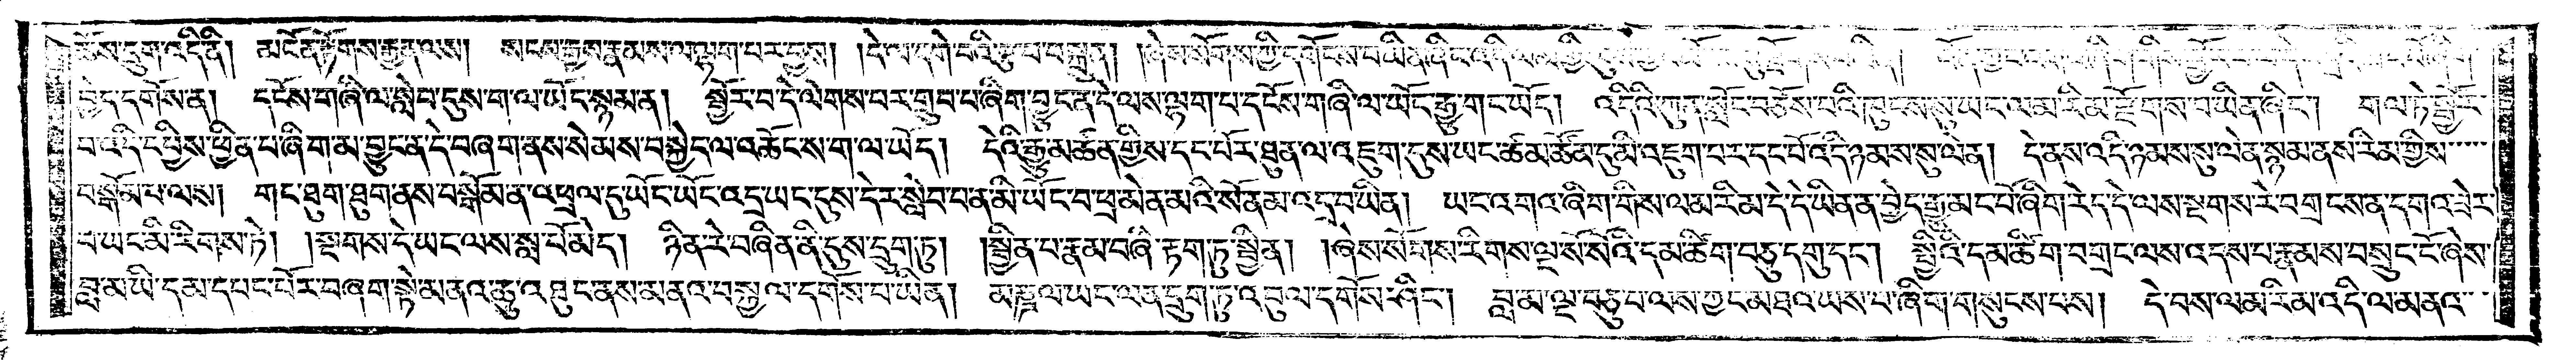ཆོས་དྲུག་འདི་ནི། མངོན་རྟོགས་རྒྱན་ལས། སངས་རྒྱས་རྣམས་ལ་ལྟག་པར་བྱས། །དེ་ལ་དགེ་བའི་རྩ་བ་བསྐྲུན། །ཞེས་སོགས་ཀྱི་དགོངས་པ་ཡིན་ཞིང་འདི་ལམ་གྱི་ལུས་ཀྱང་ཡོངས་སུ་རྫོགས་བ་ཡིན། འོན་ཀྱང་འགལ་ཞིག་གིས་སྦྱོར་བ་ལ་དེ་འདྲའི་མང་པོ་ཞིག་
བྱེད་དགོས་ན། དངོས་གཞི་ལ་སླེབ་དུས་ག་ལ་ཡོང་སྙམ་ན། སྦྱོར་བ་དེ་ལེགས་པར་གྲུབ་བཞིག་བྱུང་ན་དེ་ལས་ལྷག་པ་དངོས་གཞི་ལ་ཡོད་རྒྱུ་གང་ཡོད། འདིའི་ཀུན་སློང་བཅོས་བའི་ཁུངས་སུ་ཡང་ལམ་རིམ་རྫོགས་བ་ཡིན་ཞིང་། གལ་ཏེ་སྦྱོར་
བ་འདི་དཔྱིས་ཕྱིན་བཞིག་མ་བྱུང་ན་དེ་བཞག་ནས་སེམས་བསྐྱེད་ལ་འཆོངས་ག་ལ་ཡོད། དེའི་རྒྱུ་མཚན་གྱིས་དང་པོར་ཐུན་ལ་འཇུག་དུས་ཡང་ཚམ་ཚོམ་དུ་མི་འཇུག་བར་དང་བོ་འདི་ཉམས་སུ་ལེན། དེ་ནས་འདི་ཉམས་སུ་ལེན་སྙམ་ནས་རིམ་གྱིས་
བསྒོམ་པ་ལས། གང་ཐུག་ཐུག་ནས་བསྒོམ་ན་འཕྲལ་དུ་ཡོང་ཡོད་འདྲ་ཡང་དུས་དེར་སླེབ་བ་ན་མི་ཡོང་བ་ཕྲ་མེན་མའི་སོན་མ་འདྲ་བ་ཡིན། ཡང་འགའ་ཞིག་གིས་ལམ་རིམ་དེ་དེ་ཡིན་ན་བྱེད་རྒྱུ་མང་པོ་ཞིག་རེད་དེ་ལས་སྔགས་རེ་འགྲངས་ན་དགའ་ཟེར་
བ་ཡང་མི་རིགས་ཏེ། །སྔགས་དེ་ཡང་ལས་སླ་པོ་མེད། ཉིན་རེ་བཞིན་ནི་དུས་དྲུག་ཏུ། །སྦྱིན་པ་རྣམ་བཞི་རྟག་ཏུ་སྦྱིན། །ཞེས་སོགས་རིགས་ལྔ་སོ་སོའི་དམ་ཚིག་བཅུ་དགུ་དང་། སྤྱིའི་དམ་ཚིག་བགྲང་ལས་འདས་པ་རྣམས་བསྲུང་ངོ་ཞེས་
བླ་མ་ཡི་དམ་དབང་པོར་བཞག་སྟེ་མནའ་ཆུ་འཐུང་ནས་མནའ་བསྐྱལ་དགོས་པ་ཡིན། མཎྜལ་ཡང་ལན་དྲུག་ཏུ་འབུལ་དགོས་ཤིང་། བླ་མ་ལྔ་བཅུ་པ་ལས་ཀྱང་མཐའ་ཡས་པ་ཞིག་གསུངས་པས། དེ་བས་ལམ་རིམ་འདི་ལ་མནའ་